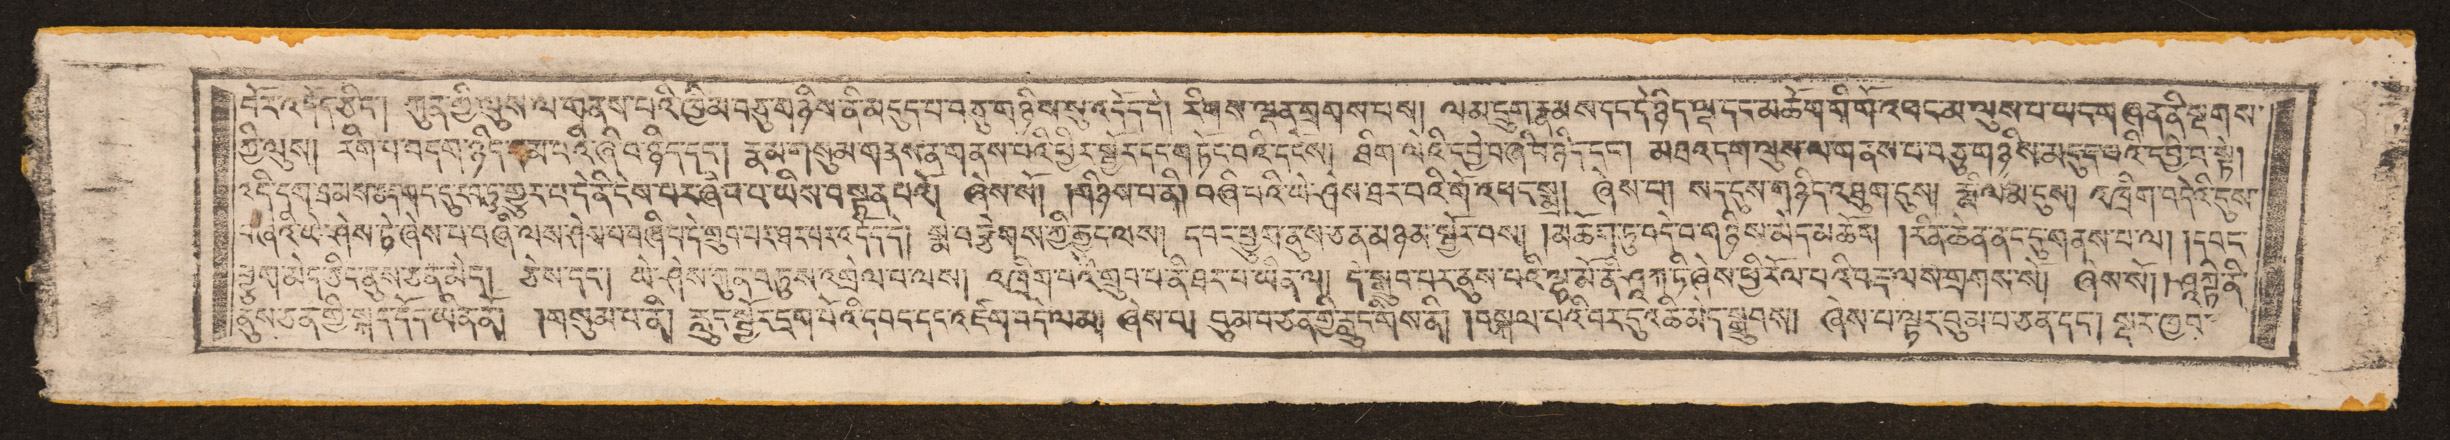བོར་འདོད་ཅིང་། ཀུན་གྱི་ལུས་ལ་གནས་པའི་ཁྱིམ་བཅུ་གཉིས་ནི་མདུད་པ་བཅུ་གཉིས་སུ་འདོད་དེ། རིགས་ལྡན་གྲགས་པས། ལམ་དྲུག་རྣམས་དང་དེ་ཉིད་ལྔ་དང་མཆོག་གི་གོ་འཕང་མ་ལུས་པ་ཡང་གཞན་ནི་སྔགས་
ཀྱི་ལུས། རིག་པ་བདག་ཉིད་དམ་པའི་ཞི་བ་ཉིད་དང་། རྣམ་གསུམ་གནས་ན་གནས་པའི་ཕྱིར་སྦྱོར་དང་གཏོང་བའི་དངོས། ཐིག་ལེའི་དབྱེ་བ་ཞི་བ་ཉིད་དང་། མཐའ་དག་ལུས་ལ་གནས་པ་བཅུ་གཉིས་མདུད་པའི་དབྱེ་བ་སྟེ།
འདི་དག་ཐམས་ཅད་གང་དུ་རང་ཏུ་གྱུར་པ་དེ་ནི་དེས་པར་ཞིབ་པ་ཡིས་བསྟན་པའོ། ཞེས་སོ། །གཉིས་པ་ནི། བཞི་པའི་ཡེ་ཤེས་ཐར་པའི་གོ་འཕང་སྨྲ། ཞེས་པ། སད་དུས་གཉིད་འཐུག་དུས། རྨི་ལམ་དུས། འཁྲེག་བདེའི་དུས་
བཞིའི་ཡེ་ཤེས་ཏེ་ཞེས་པ་བཞི་ལས་ཤེས་པ་བཞི་བདེ་གྲུབ་པར་ཐར་པར་འདོད་དེ། སྨེ་བརྩེགས་ཀྱི་རྒྱུད་ལས། དབང་ཕྱུག་ནུས་ཅན་མཉམ་སྦྱོར་བས། །མཆོག་ཏུ་བདེ་བ་གཉིས་མེད་མཆོག་རིན་ཆེན་ནང་དུ་གནས་པ་ལ། །དབང་
ཕྱུག་མེད་ཅིང་ནུས་ཅན་མེད། ཅེས་དང་། ཡེ་ཤེས་ཀུན་བཏུས་འགྲེལ་པ་ལས། འཁྲིག་པའི་གྲུབ་པ་ནི་ཐར་པ་ཡིན་ལ། དེ་སྒྲུབ་པར་ནུས་པའི་ལྷ་མོ་ནི་ཤཱཀ་ཏི་ཞེས་ཕྱི་རོལ་པའི་བརྡ་ལས་གྲགས་སོ། ཞེས་སོ། །ཤཱཀྟི་ནི་
ནུས་ཅན་གྱི་སྐད་དོད་ཡིན་ནོ། །གསུམ་པ་ནི། རླུང་སྦྱོར་དྲག་པོའི་དབང་དང་འཛག་བདེ་ལམ། ཞེས་པ། བུམ་པ་ཅན་གྱི་རླུང་གིས་ནི། །བསྐལ་པའི་བར་དུ་འཆི་མེད་སྒྲུབས། ཞེས་པ་ལྟར་བུམ་པ་ཅན་དང་། སྔར་ཁྱབ་